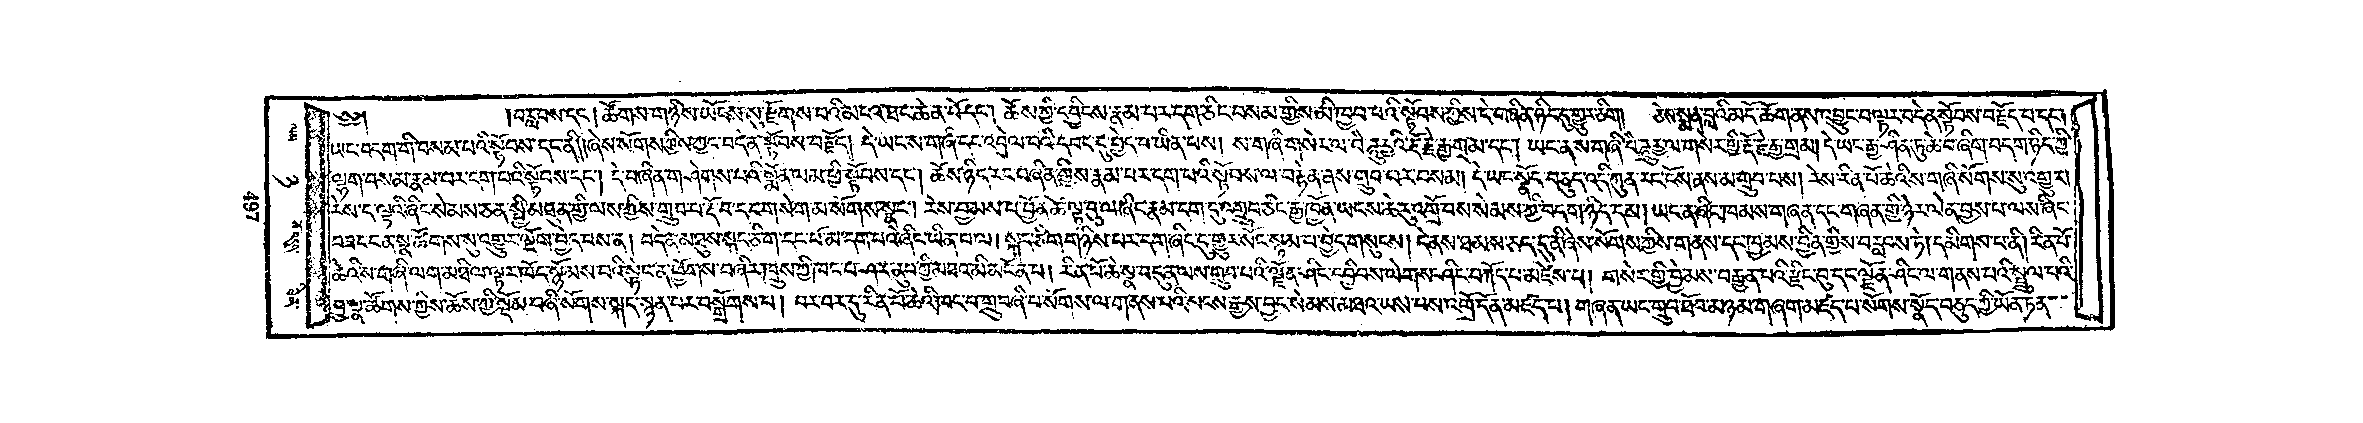༄༅། །བརླབས་དང་། ཚོགས་གཉིས་ཡོངས་སུ་རྫོགས་པའི་མངའ་ཐང་ཆེན་པོ་དང་། ཆོས་ཀྱི་དབྱིངས་རྣམ་པར་དག་ཅིང་བསམ་གྱིས་མི་ཁྱབ་པའི་སྟོབས་ཀྱིས་དེ་བཞིན་ཉིད་དུ་གྱུར་ཅིག །ཅེས་སྨན་བླའི་མདོ་ཆོག་ནས་འབྱུང་བ་ལྟར་བདེན་སྟོབས་བརྗོད་པ་དང་།
ཡང་བདག་གི་བསམ་པའི་སྟོབས་དང་ནི། །ཞེས་སོགས་ཀྱིས་ཀྱང་བདེན་སྟོབས་བརྗོད། དེ་ཡང་ས་གཞི་དང་འབྲེལ་བའི་དབང་དུ་བྱེད་པ་ཡིན་པས། ས་གཞི་གསེར་ལ་བཻཌཱུརྱའི་རྡོ་རྗེ་རྒྱ་གྲམ་དང་། ཡང་ན་ས་གཞི་བཻཌཱུརྱ་ལ་གསེར་གྱི་རྡོ་རྗེ་རྒྱ་གྲམ། དེ་ཡང་རྒྱ་ཤིན་ཏུ་ཆེ་བ་ཞིག་བདག་ཉིད་ཀྱི་
ལྷག་བསམ་རྣམ་པར་དག་པའི་སྟོབས་དང་། དེ་བཞིན་གཤེགས་པའི་སྨོན་ལམ་ཕྱི་སྟོབས་དང་། ཆོས་ཉིད་རང་བཞིན་གྱིས་རྣམ་པར་དག་པའི་སྟོབས་ལ་བརྟེན་ནས་གྲུབ་བར་བསམ། དེ་ཡང་སྣོད་བཅུད་འདི་ཀུན་རང་ངོས་ནས་མ་གྲུབ་པས། རེས་རིན་པོ་ཆེའི་ས་གཞི་སོགས་སུ་འགྱུར།
རེས་ད་ལྟའི་ཞིང་སེམས་ཅན་སྤྱི་མཐུན་གྱི་ལས་ཀྱིས་གྲུབ་པ་རྡོབ་དང་གསེག་མ་སོགས་སྣང་། རེས་བྱམས་པ་བྱོན་ཚེ་ལྟ་བུ་ལ་ཞིང་རྣམ་དག་དུ་འགྲུབ་ཅིང་རྒྱ་ཁྱོན་ཡངས་ཆེ་རུ་འགྲོ་བས་སེམས་ཀྱི་བདག་ཉིད་དམ། ཡང་ན་ཞིང་ཁམས་གཞན་དང་གཞན་གྱི་ཉེར་ལེན་བྱས་པ་ལས་ཞིང་
བཟང་ངན་སྣ་ཚོགས་སུ་འགྱུར་ལྡོག་བྱེད་པས་ན། བདེན་མཐུས་སྐད་ཅིག་དང་པོ་མ་དག་པའི་ཞིང་ཡིན་པ་ལ། སྐད་ཅིག་གཉིས་པར་དག་ཞིང་དུ་གྱུར་སོང་སྙམ་པ་བྱེད་གསུངས། དེ་ནས་ཐམས་ཅད་དུ་ནི་ཞེས་སོགས་ཀྱིས་གནས་དང་ཁྱམས་བྱིན་གྱིས་བརླབས་ཏེ། དམིགས་པ་ནི། རིན་པོ་
ཆེའི་ས་གཞི་ལག་མཐིལ་ལྟར་ཁོད་སྙོམས་པའི་སྟེང་ན་ཕྱོགས་བཞིར་ཁྲུས་ཀྱི་ཁང་པ་ཤར་ནུབ་ཀྱི་མཐའ་མི་མངོན་པ། རིན་པོ་ཆེ་སྣ་བདུན་ལས་གྲུབ་པའི་ལྗོན་ཤིང་དབྱིབས་ལེགས་ཤིང་བཀོད་པ་མཛེས་པ། གསེར་གྱི་བྱེ་མས་བརྒྱན་པའི་རྫིང་བུ་དང་ལྗོན་ཤིང་ལ་གནས་པའི་སྤྲུལ་པའི་
བྱ་སྣ་ཚོགས་ཀྱིས་ཆོས་ཀྱི་སྡོམ་བཞི་སོགས་སྐད་སྙན་པར་བསྒྲོགས་པ། བར་བར་དུ་རིན་པོ་ཆེའི་ཁང་པ་གྲུབ་བཞི་པ་སོགས་ལ་གནས་པའི་སངས་རྒྱས་བྱང་སེམས་མཐའ་ཡས་པས་འགྲོ་དོན་མཛད་པ། གཞན་ཡང་གྲུབ་ཐོབ་མཉམ་གཞག་མཛད་པ་སོགས་སྣོད་བཅུད་ཀྱི་ཡོན་ཏན་